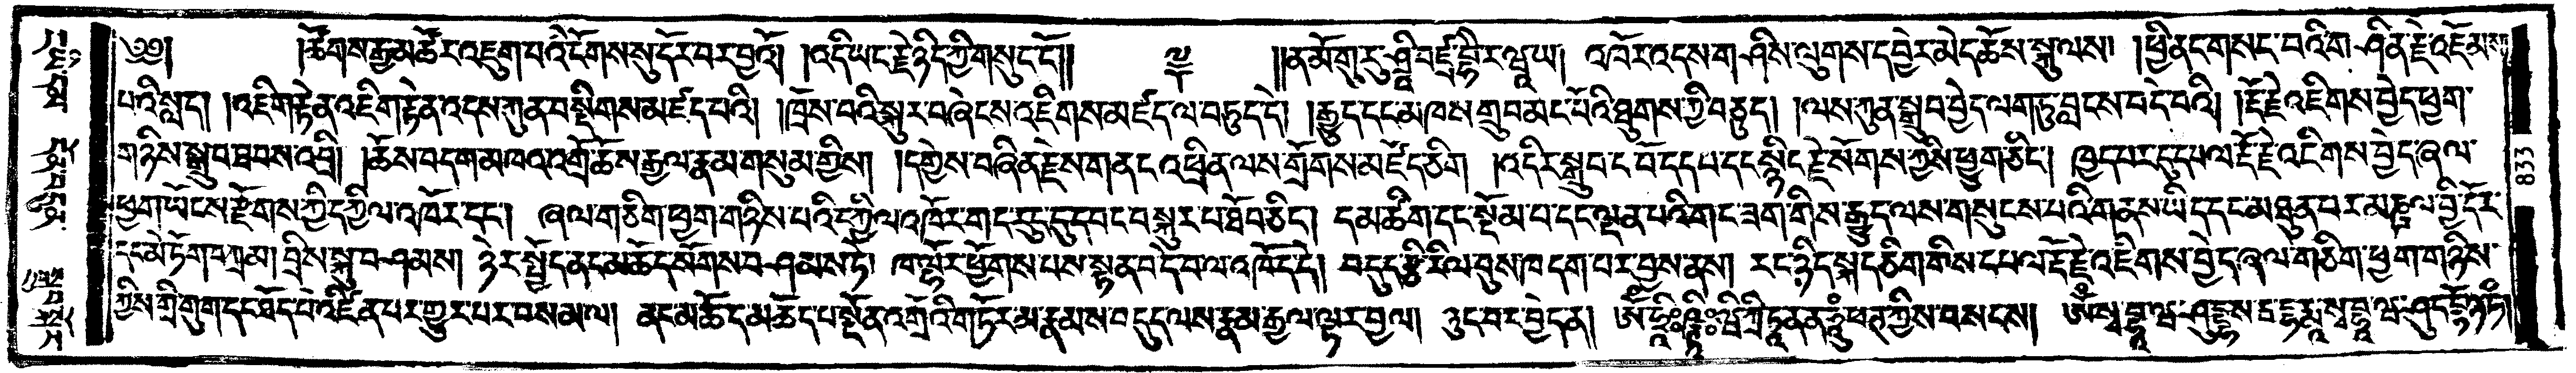༄༅། །ཚགས་རྒྱ་མཚོར་འཇུག་པའི་དོགས་སུ་དོར་བར་བྱའོ། །འདི་ཡང་རྗེ་ཉིད་ཀྱི་གསུང་ངོ།། ༈ །།ན་མོ་གུ་རུ་ཤྲཱི་བཛྲ་བྷཻ་ར་ཝཱ་ཡ། འཁོར་འདས་གཤིས་ལུགས་དབྱེར་མེད་ཆོས་སྐུ་ལས། །ཕྱི་ནང་གསང་བའི་གཤིན་རྗེ་འཇོམས་
པའི་སླད། །འཇིག་རྟེན་འཇིག་རྟེན་འདས་ཀུན་བསྡིགས་མཛད་པའི། །ཁྲོས་པའི་སྐུར་བཞེངས་འཇིགས་མཛད་ལ་བཏུད་དེ། །རྒྱུད་དང་མཁས་གྲུབ་མང་པོའི་ཐུགས་ཀྱི་བཅུད། །ལས་ཀུན་སྒྲུབ་བྱེད་ལག་ཏུ་བླངས་བདེ་བའི། །རྡོ་རྗེ་འཇིགས་བྱེད་ཕྱག་
གཉིས་སྒྲུབ་ཐབས་འབྲི། །ཆོས་བདག་མཁའ་འགྲོ་ཆོས་རྒྱལ་རྣམ་གསུམ་གྱིས། །དགྱེས་བཞིན་རྗེས་གནང་འཕྲིན་ལས་གྲོགས་མཛོད་ཅིག །འདིར་སྒྲུབ་པ་པོ་དད་པ་དང་སྙིང་རྗེ་སོགས་ཀྱིས་ཕྱུག་ཅིང་། ཁྱད་པར་དུ་དཔལ་རྡོ་རྗེ་འཇིགས་བྱེད་ཞལ་
ཕྱག་ཡོངས་རྫོགས་ཀྱི་དཀྱིལ་འཁོར་དང་། ཞལ་གཅིག་ཕྱག་གཉིས་པའི་དཀྱིལ་འཁོར་གང་རུང་དུ་དབང་བསྐུར་བ་ཐོབ་ཅིང་། དམ་ཚིག་དང་སྔོམ་པ་དང་ལྡན་པའི་གང་ཟག་གིས་རྒྱུད་ལས་གསུངས་པའི་གནས་ཡིད་དང་མཐུན་པར་མཎྜལ་བྱི་དོར་
དང་མེ་ཏོག་བཀྲམ། བྲིས་སྐུ་བཤམས། ཉེར་སྤྱོད་ནང་མཆོད་སོགས་བཤམས་ཏེ། ཁ་ལྷོར་ཕྱོགས་པས་སྟན་བདེ་བ་ལ་འཁོད་དེ། བདུད་རྩི་རིལ་བུས་ཁ་དག་པར་བྱས་ནས། རང་ཉིད་སྐད་ཅིག་གིས་དཔལ་རྡོ་རྗེ་འཇིགས་བྱེད་ཞལ་གཅིག་ཕྱག་གཉིས་
ཀྱིས་གྲི་གུག་དང་ཐོད་པ་འཛིན་པར་གྱུར་པར་བསམ་ལ། ནང་མཆོད་མཆོད་པ་སྔོན་འགྲོའི་གཏོར་མ་རྣམས་བདུད་ལས་རྣམས་རྒྱལ་ལྟར་བྱལ། ཉུང་བར་བྱེད་ན། ཨོཾ་ཧྲཱིཿ ཥྚཱིཿ ཝི་ཀྲི་ཏཱ་ན་ན་ཧཱུཾ་ཕཊ་ཀྱིས་བསངས། ཨོཾ་སྭ་བྷཱ་ཝ་ཤུདྡྷ་སརྦ་དྷརྨཱ་སྭ་བྷཱ་ཝ་ཤུདྡྷོ་ཉ་ཧཾ་